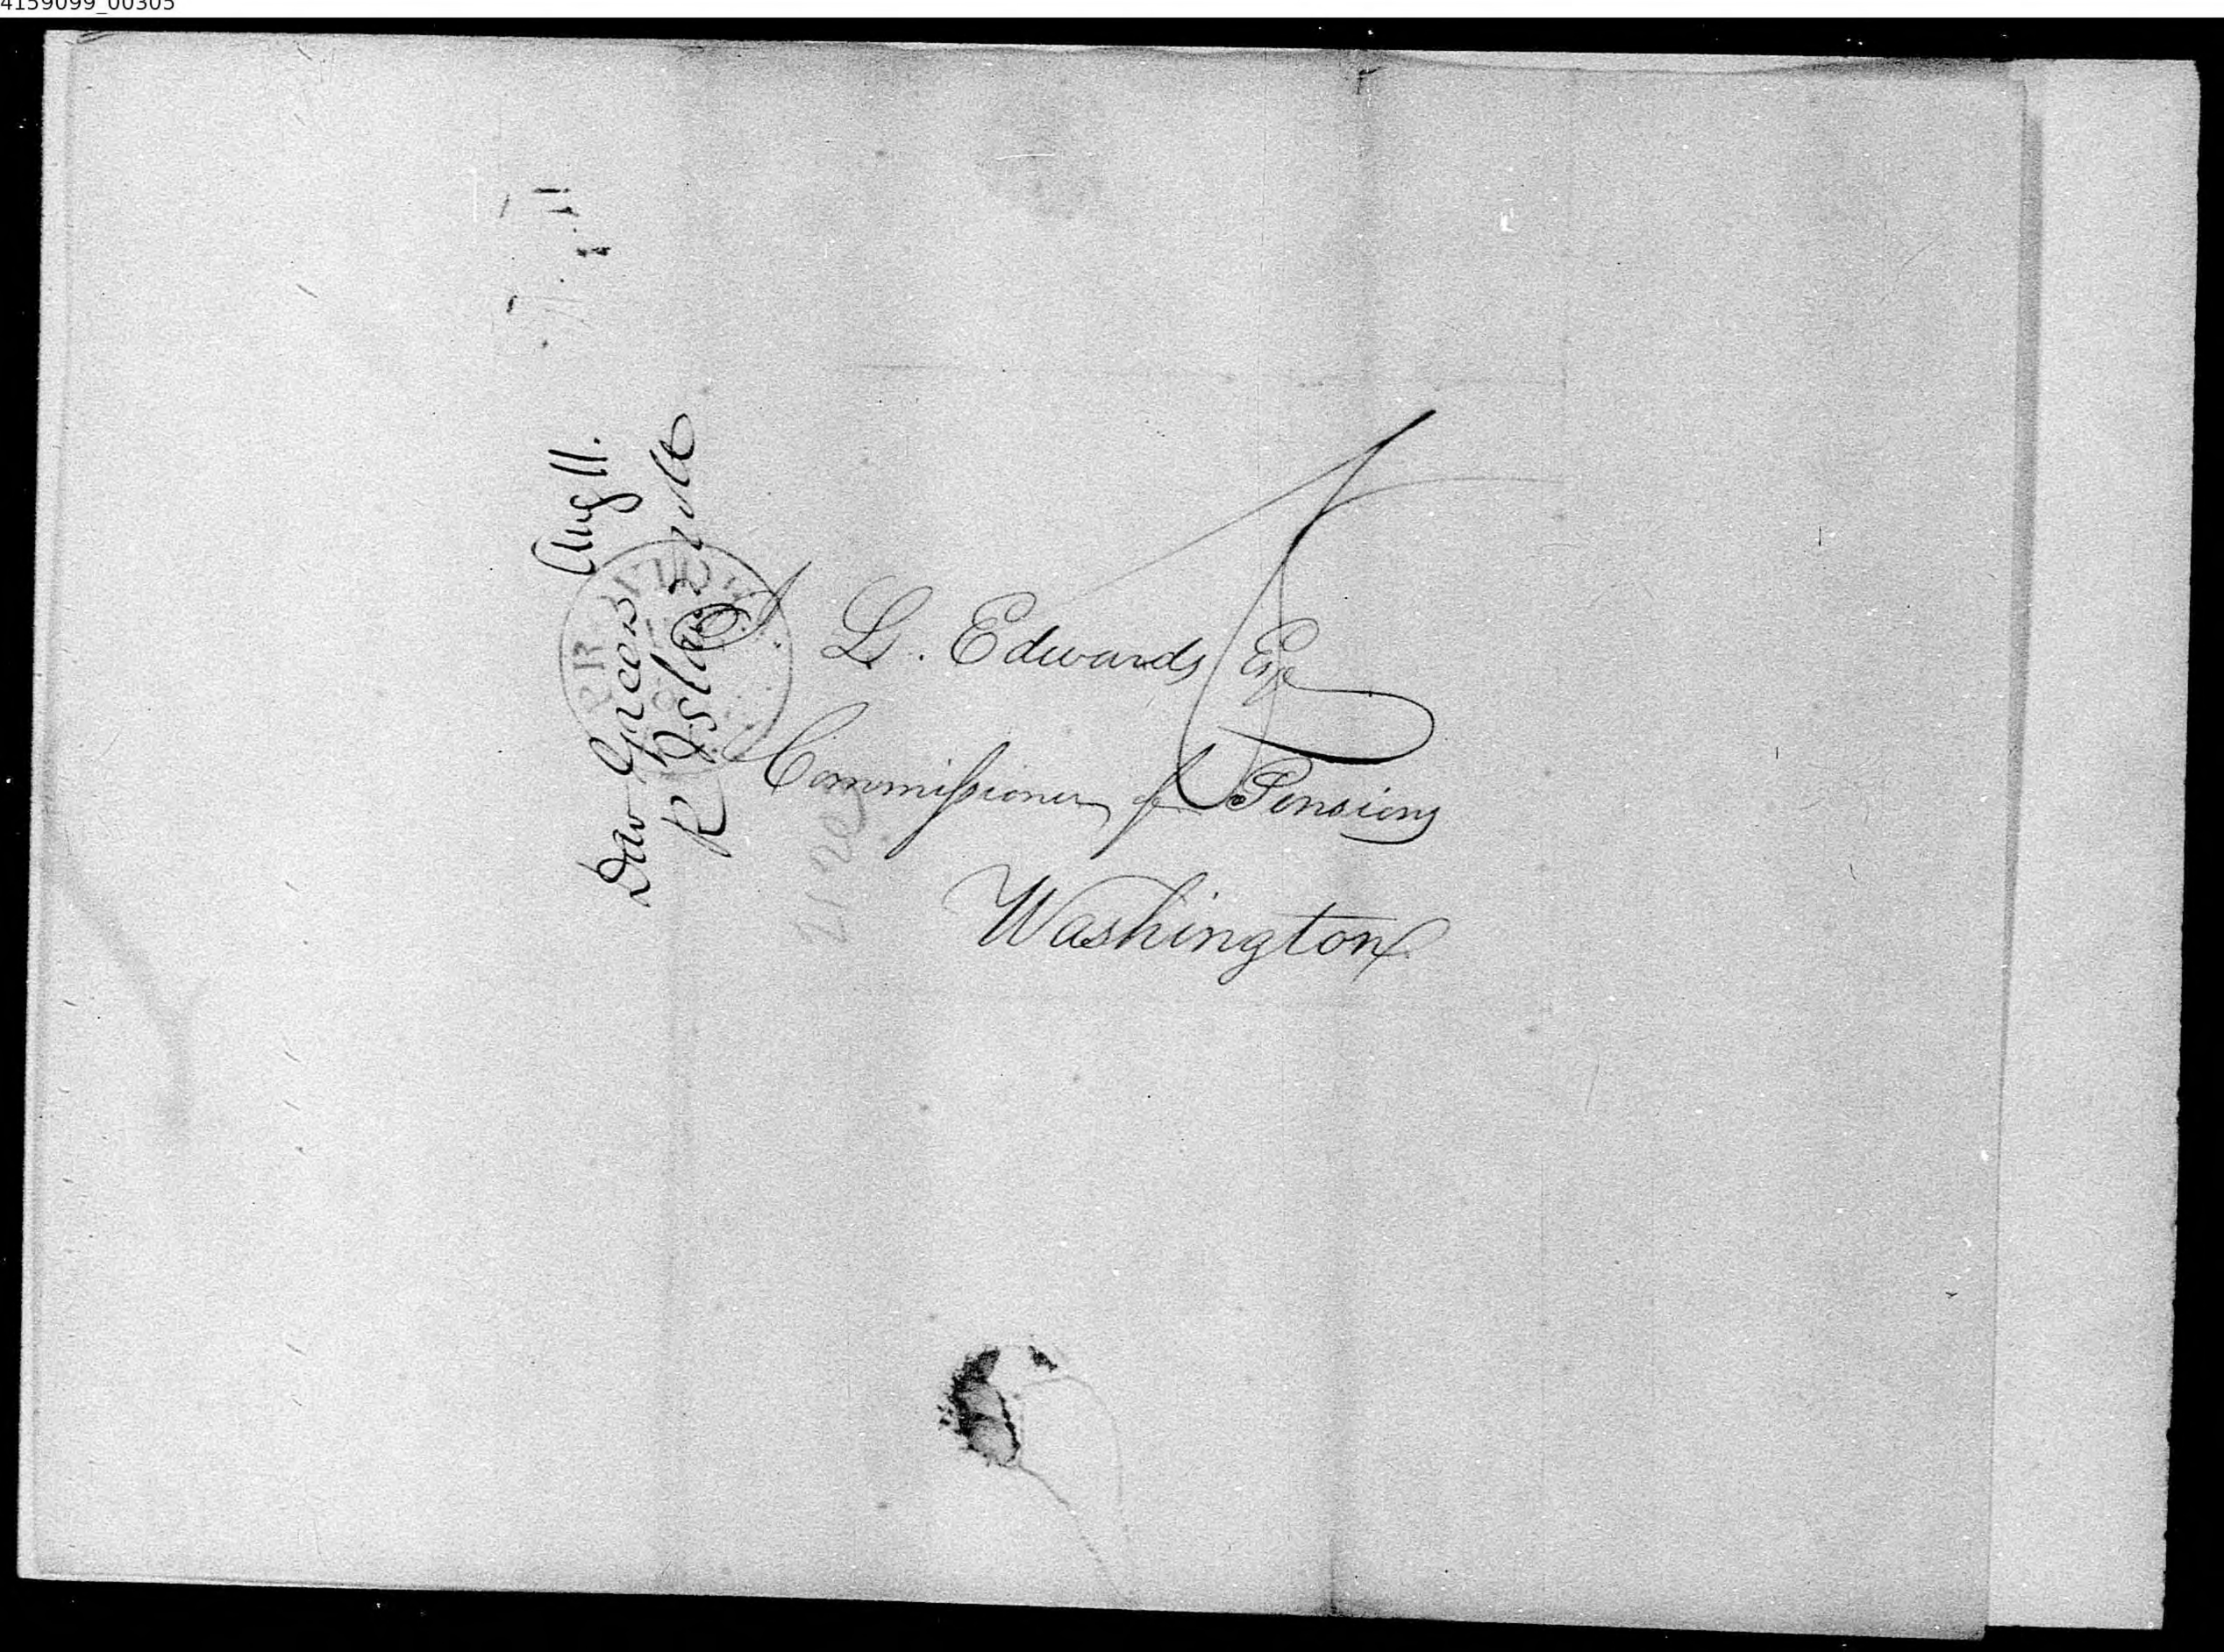Aug 11
Dav Green
R Island Wlt
[seal]
J L Edwards Esq
Commissioner of Pensions
Washington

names: Dav Green, J L Edwards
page: 22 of 27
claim: survivor's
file: S. 21,245, David Greene, R.I.